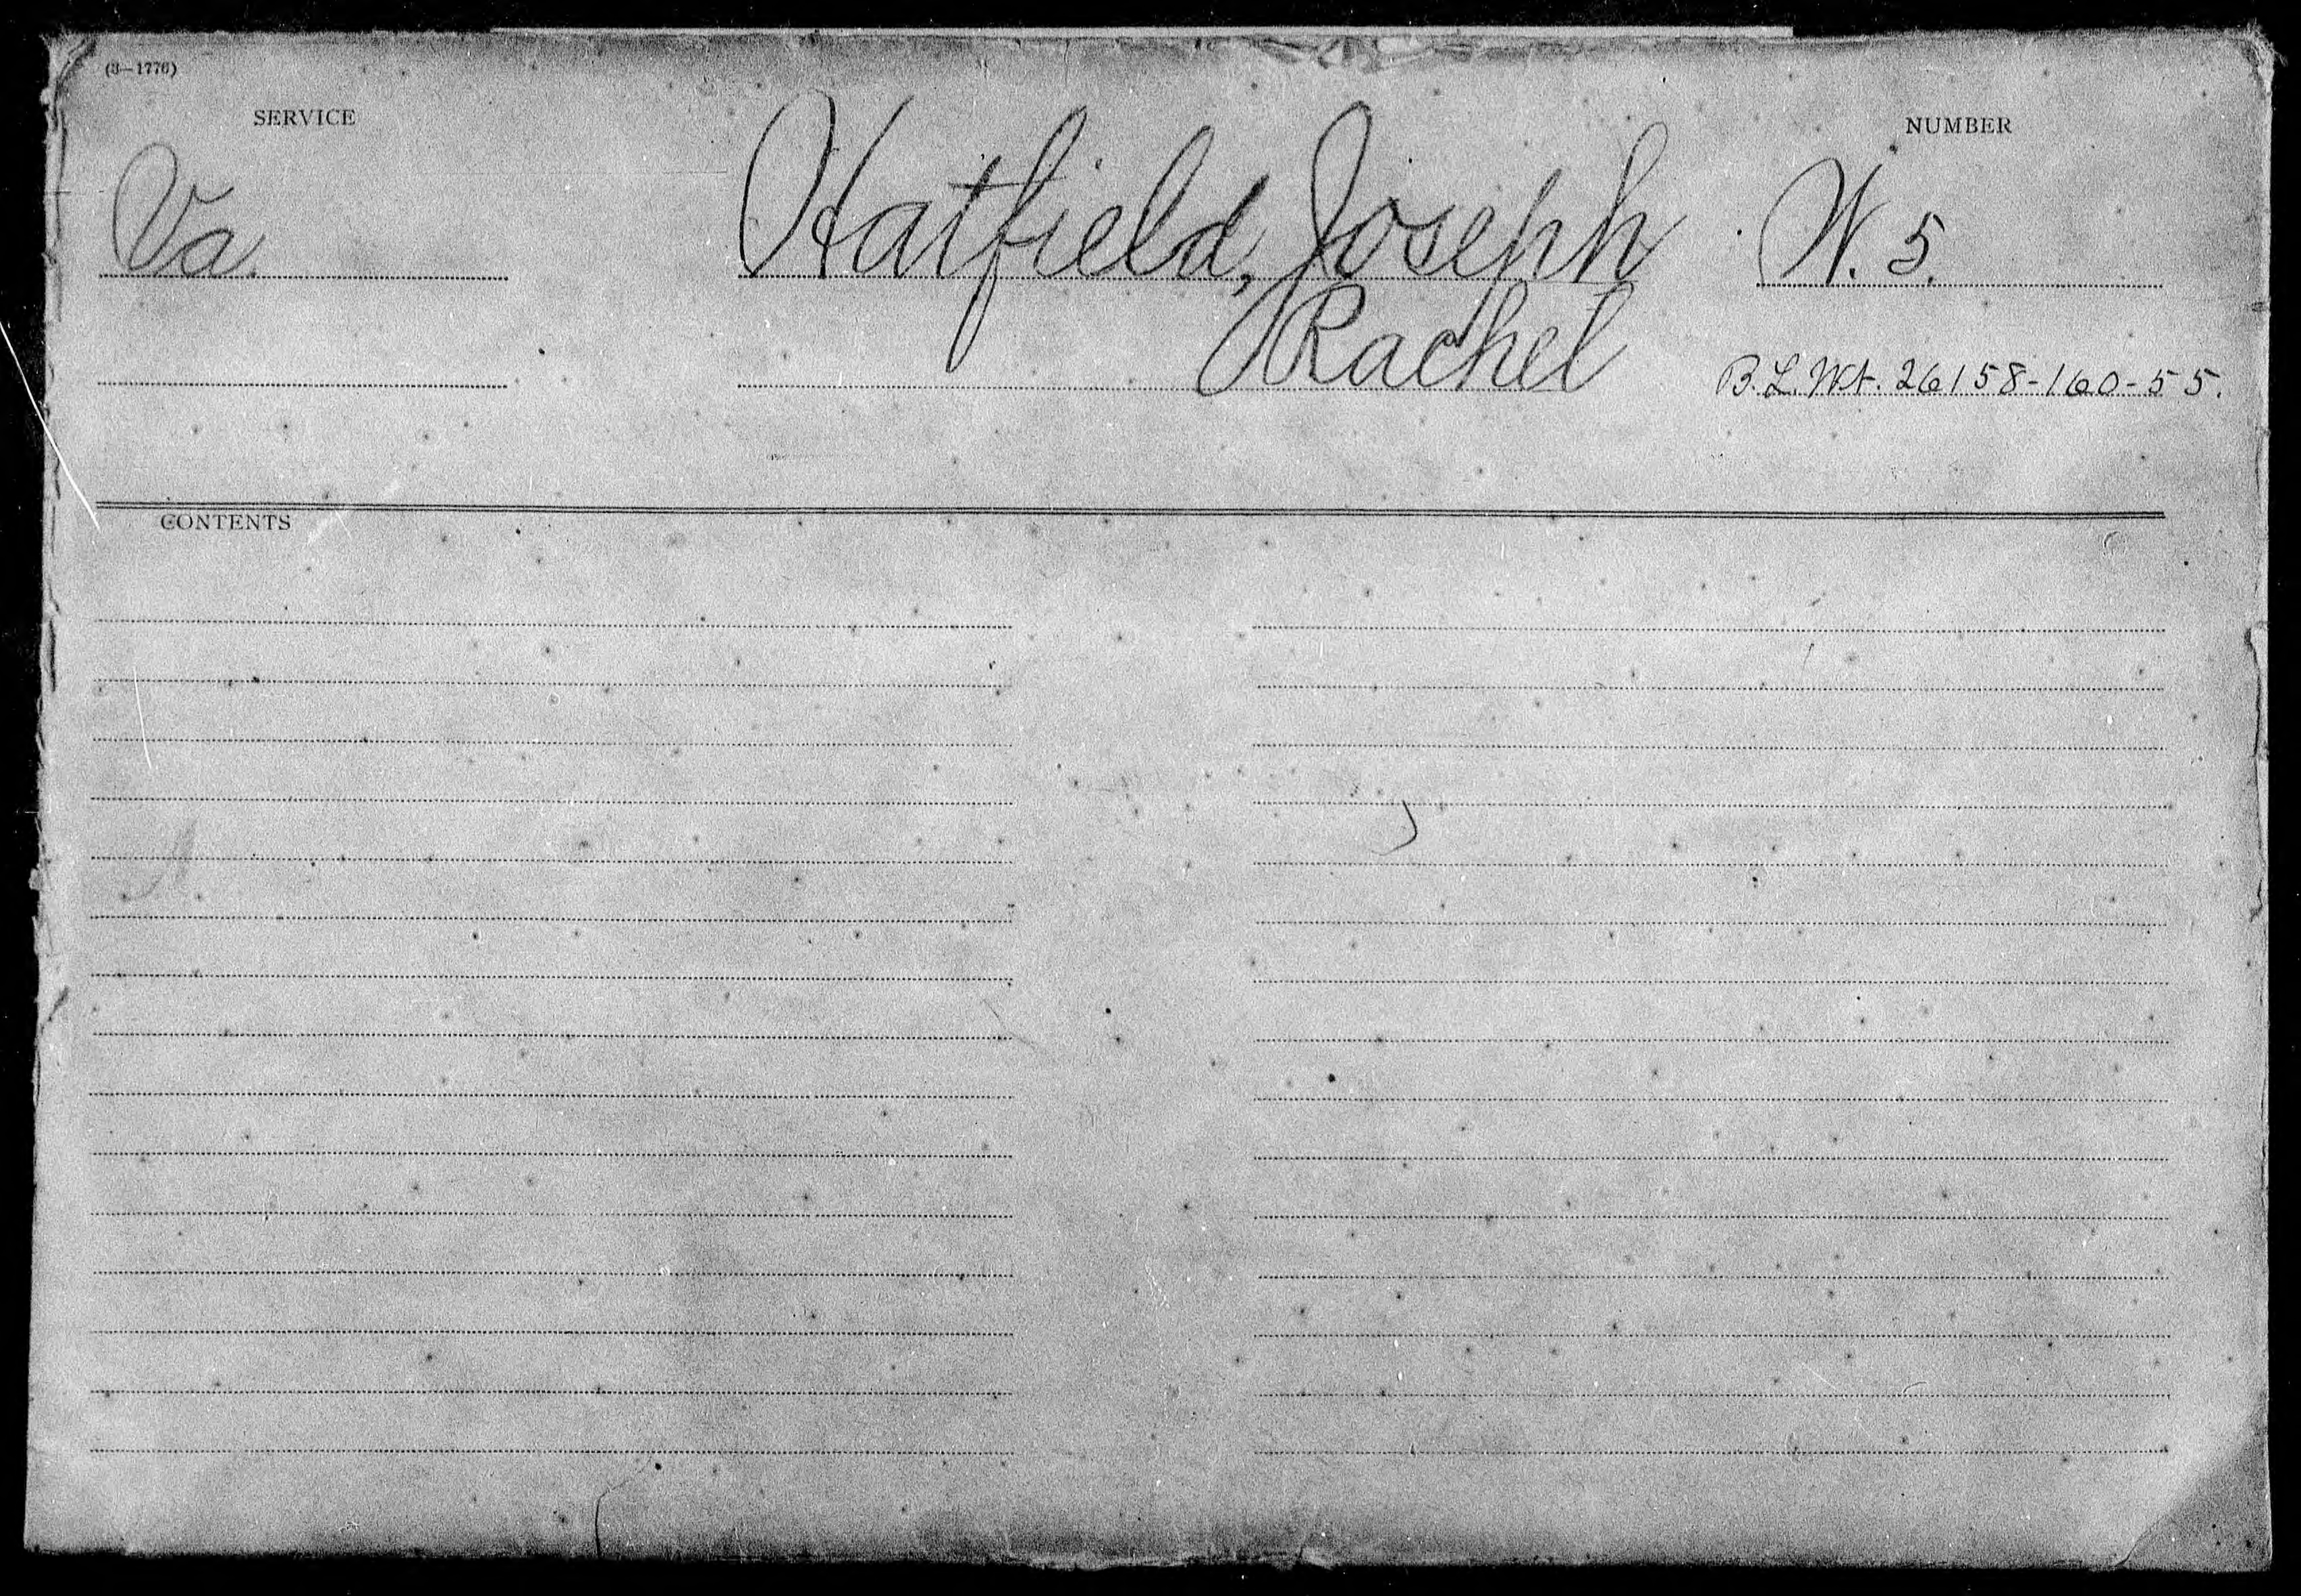(3-1776)

SERVICE
VA

Hatfield, Joseph
Rachel

NUMBER
W.5.
B.L. Wt 26158-160-55

CONTENTS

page: 1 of 74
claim: widow's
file: W. 5, Joseph Hatfield, Va.